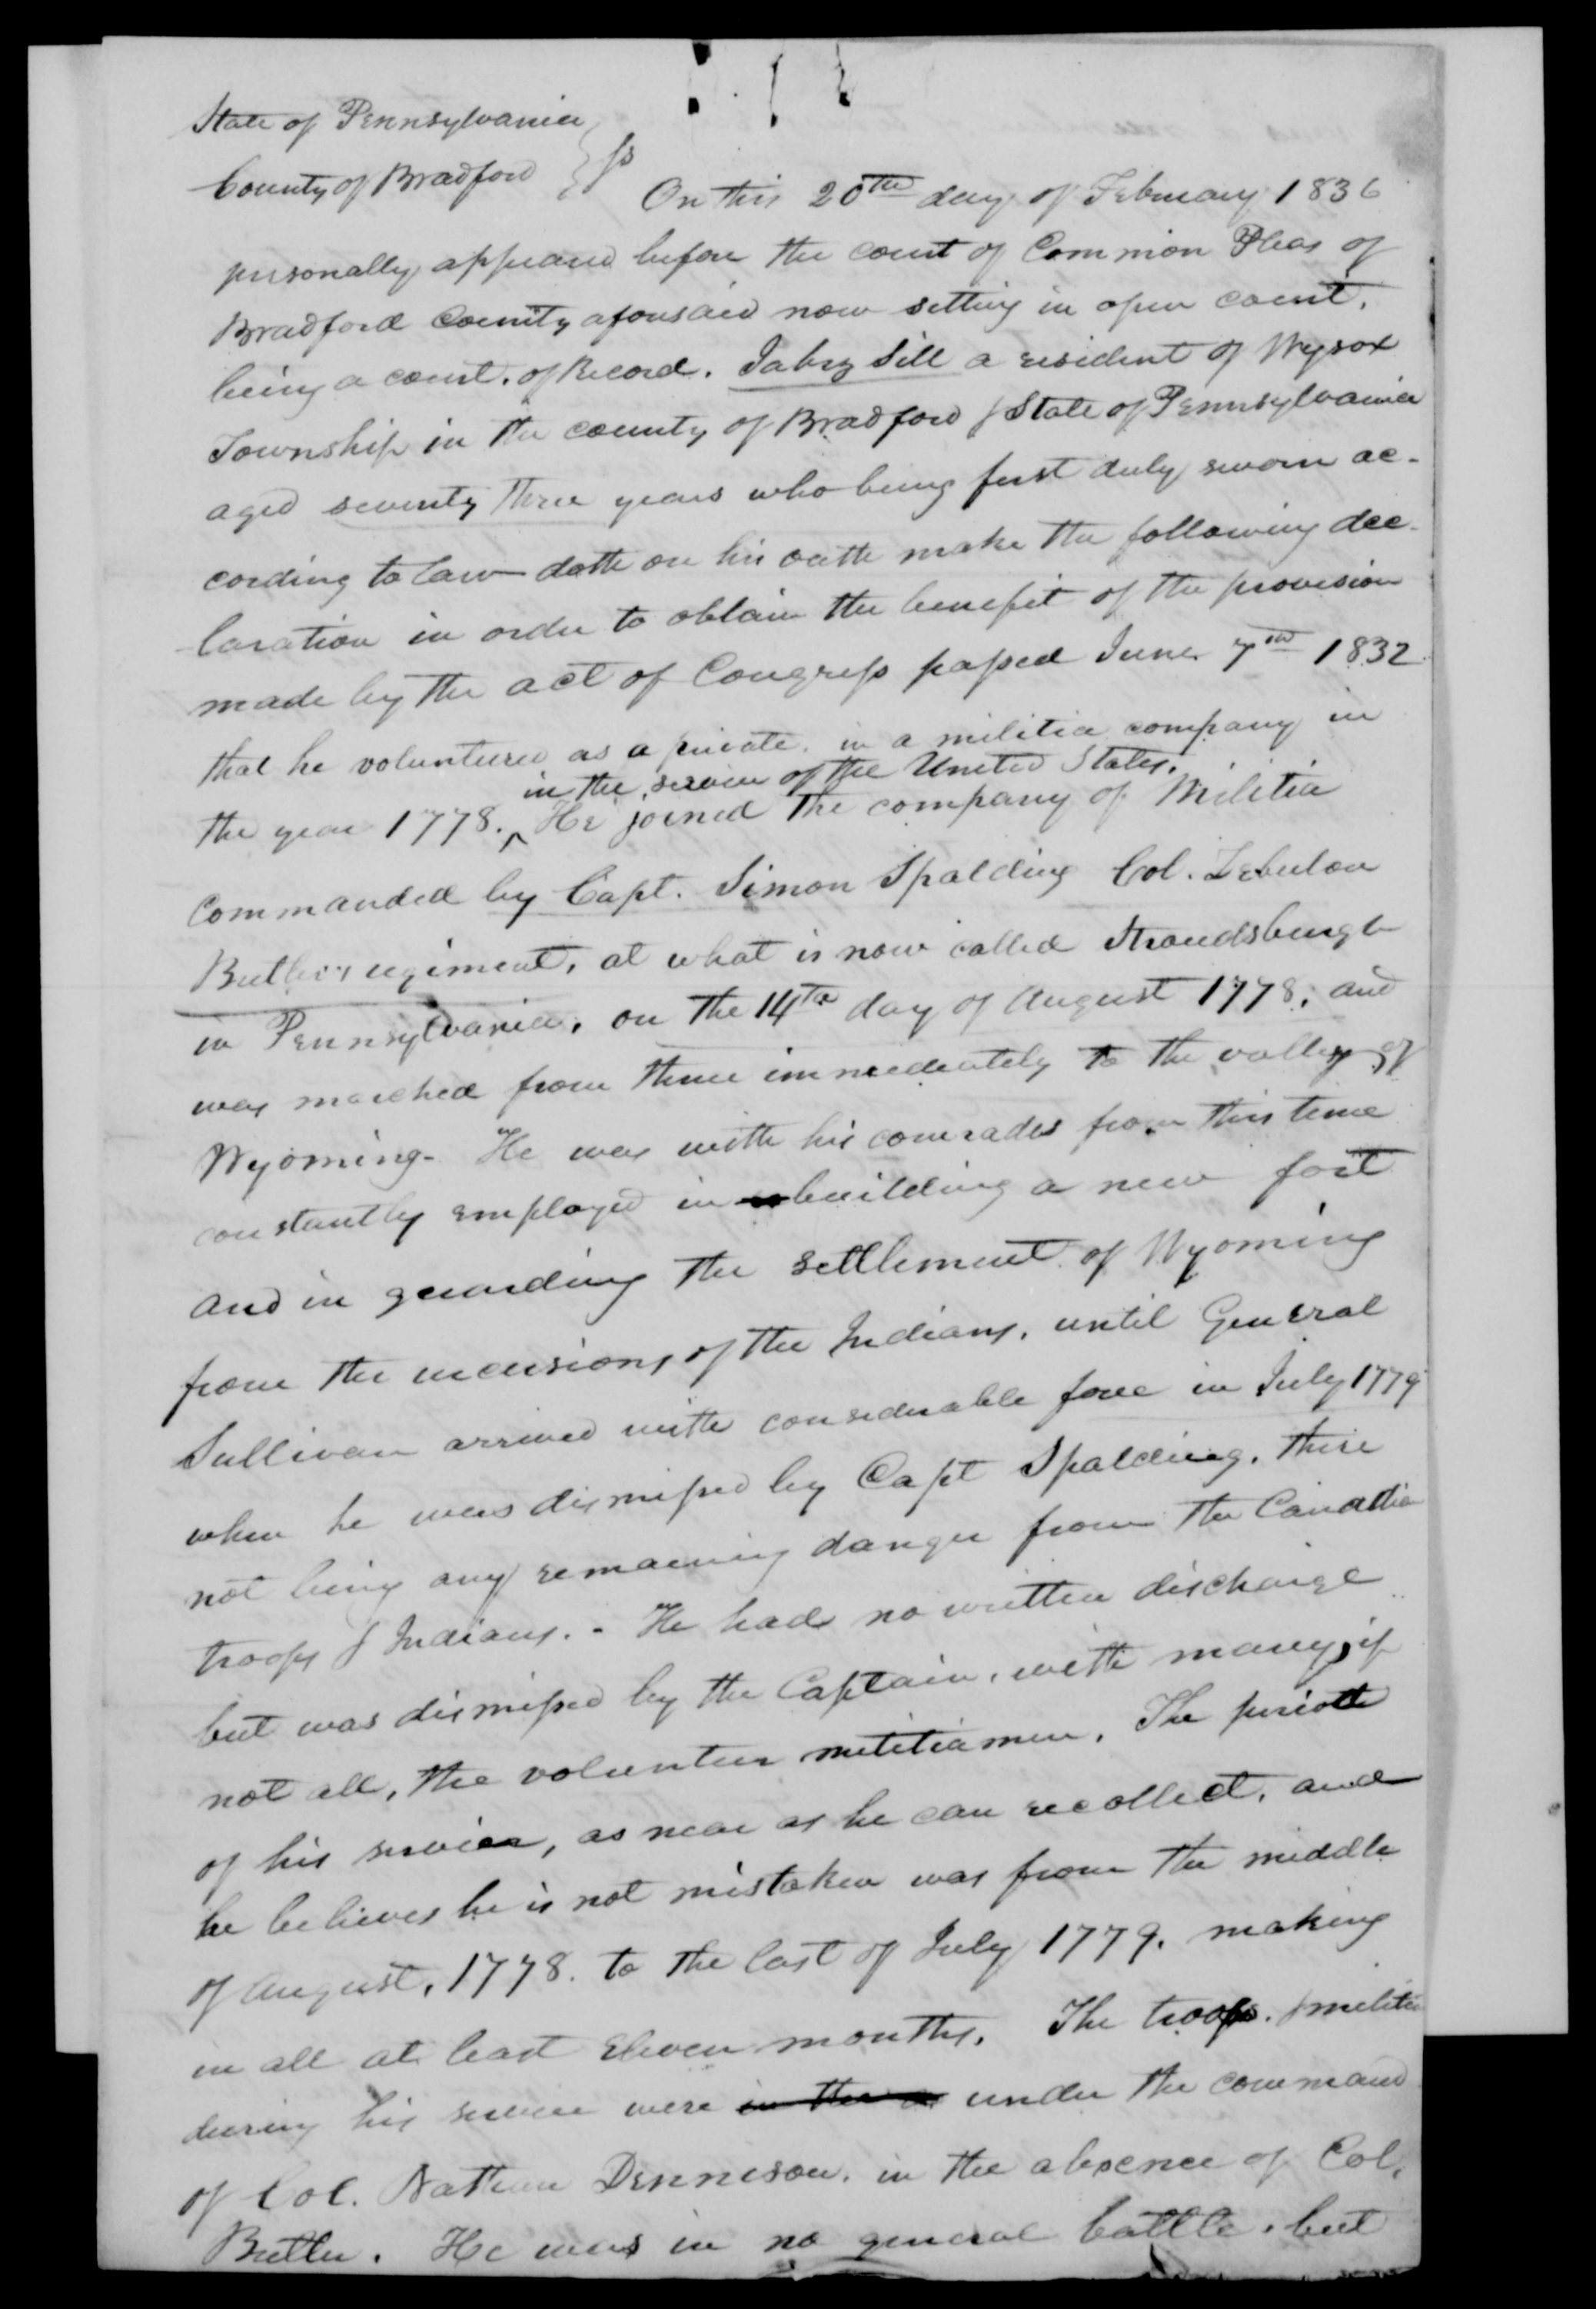State of Pennsylvania
County of Bradford}
On the 20th day of February 1836 personally appeared before the court of Common Pleas of Bradford County aforesaid now sitting in orphan court [illegible] a court of record, Jane’s Sill, a resident of Mysox Township in the county of Bradford of State of Pennsylvania aged seventy three years who being first duly sworn according to law doth on his oath make the following declaration in order to obtain the benefit of the provision of the act of Congress passed June 7th 1832 that be volunteered as a private in a militia company in the year 1778 in the service of the United States. He joined the company of Militia commanded by Capt. Simon Spalding Col. Lebulon Butler regiment, at what is now called Strautsburgh in Pennsylvania, on the 14th day of August 1778, and then marched from there immediately to the valley of Wyoming. He was with his comrades from this tense constantly employed in building a new fort and in guarding the settlement of Wyoming from the concessions of the Indians until General Sullivan arrived with the considerable force in July 1779when he was dismissed by Capt. Spalding. There not being any remaining danger from the [illegible] troops of Indians. He had no written discharge but was dismissed by the Captain with many, if not all, the volunteer militia men. The period of his service, as near as he can recollect and he believes he is not mistaken was from the middle of August, 1778 to the last of July 1779, making in all at least eleven months. The troops [illegible] decreeing his service were under the command of COll Nathan Dennison, in the absence of Col. Butler. He was in no general battle but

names: [BLANK] Butler; [BLANK] Spalding; Zebulon Butler; [BLANK] Sullivan; Jabez Sill; Simon Spalding; Nathan Denneson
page: 4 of 29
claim: rejected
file: R. 9570, for Jabez Sill, Connecticut